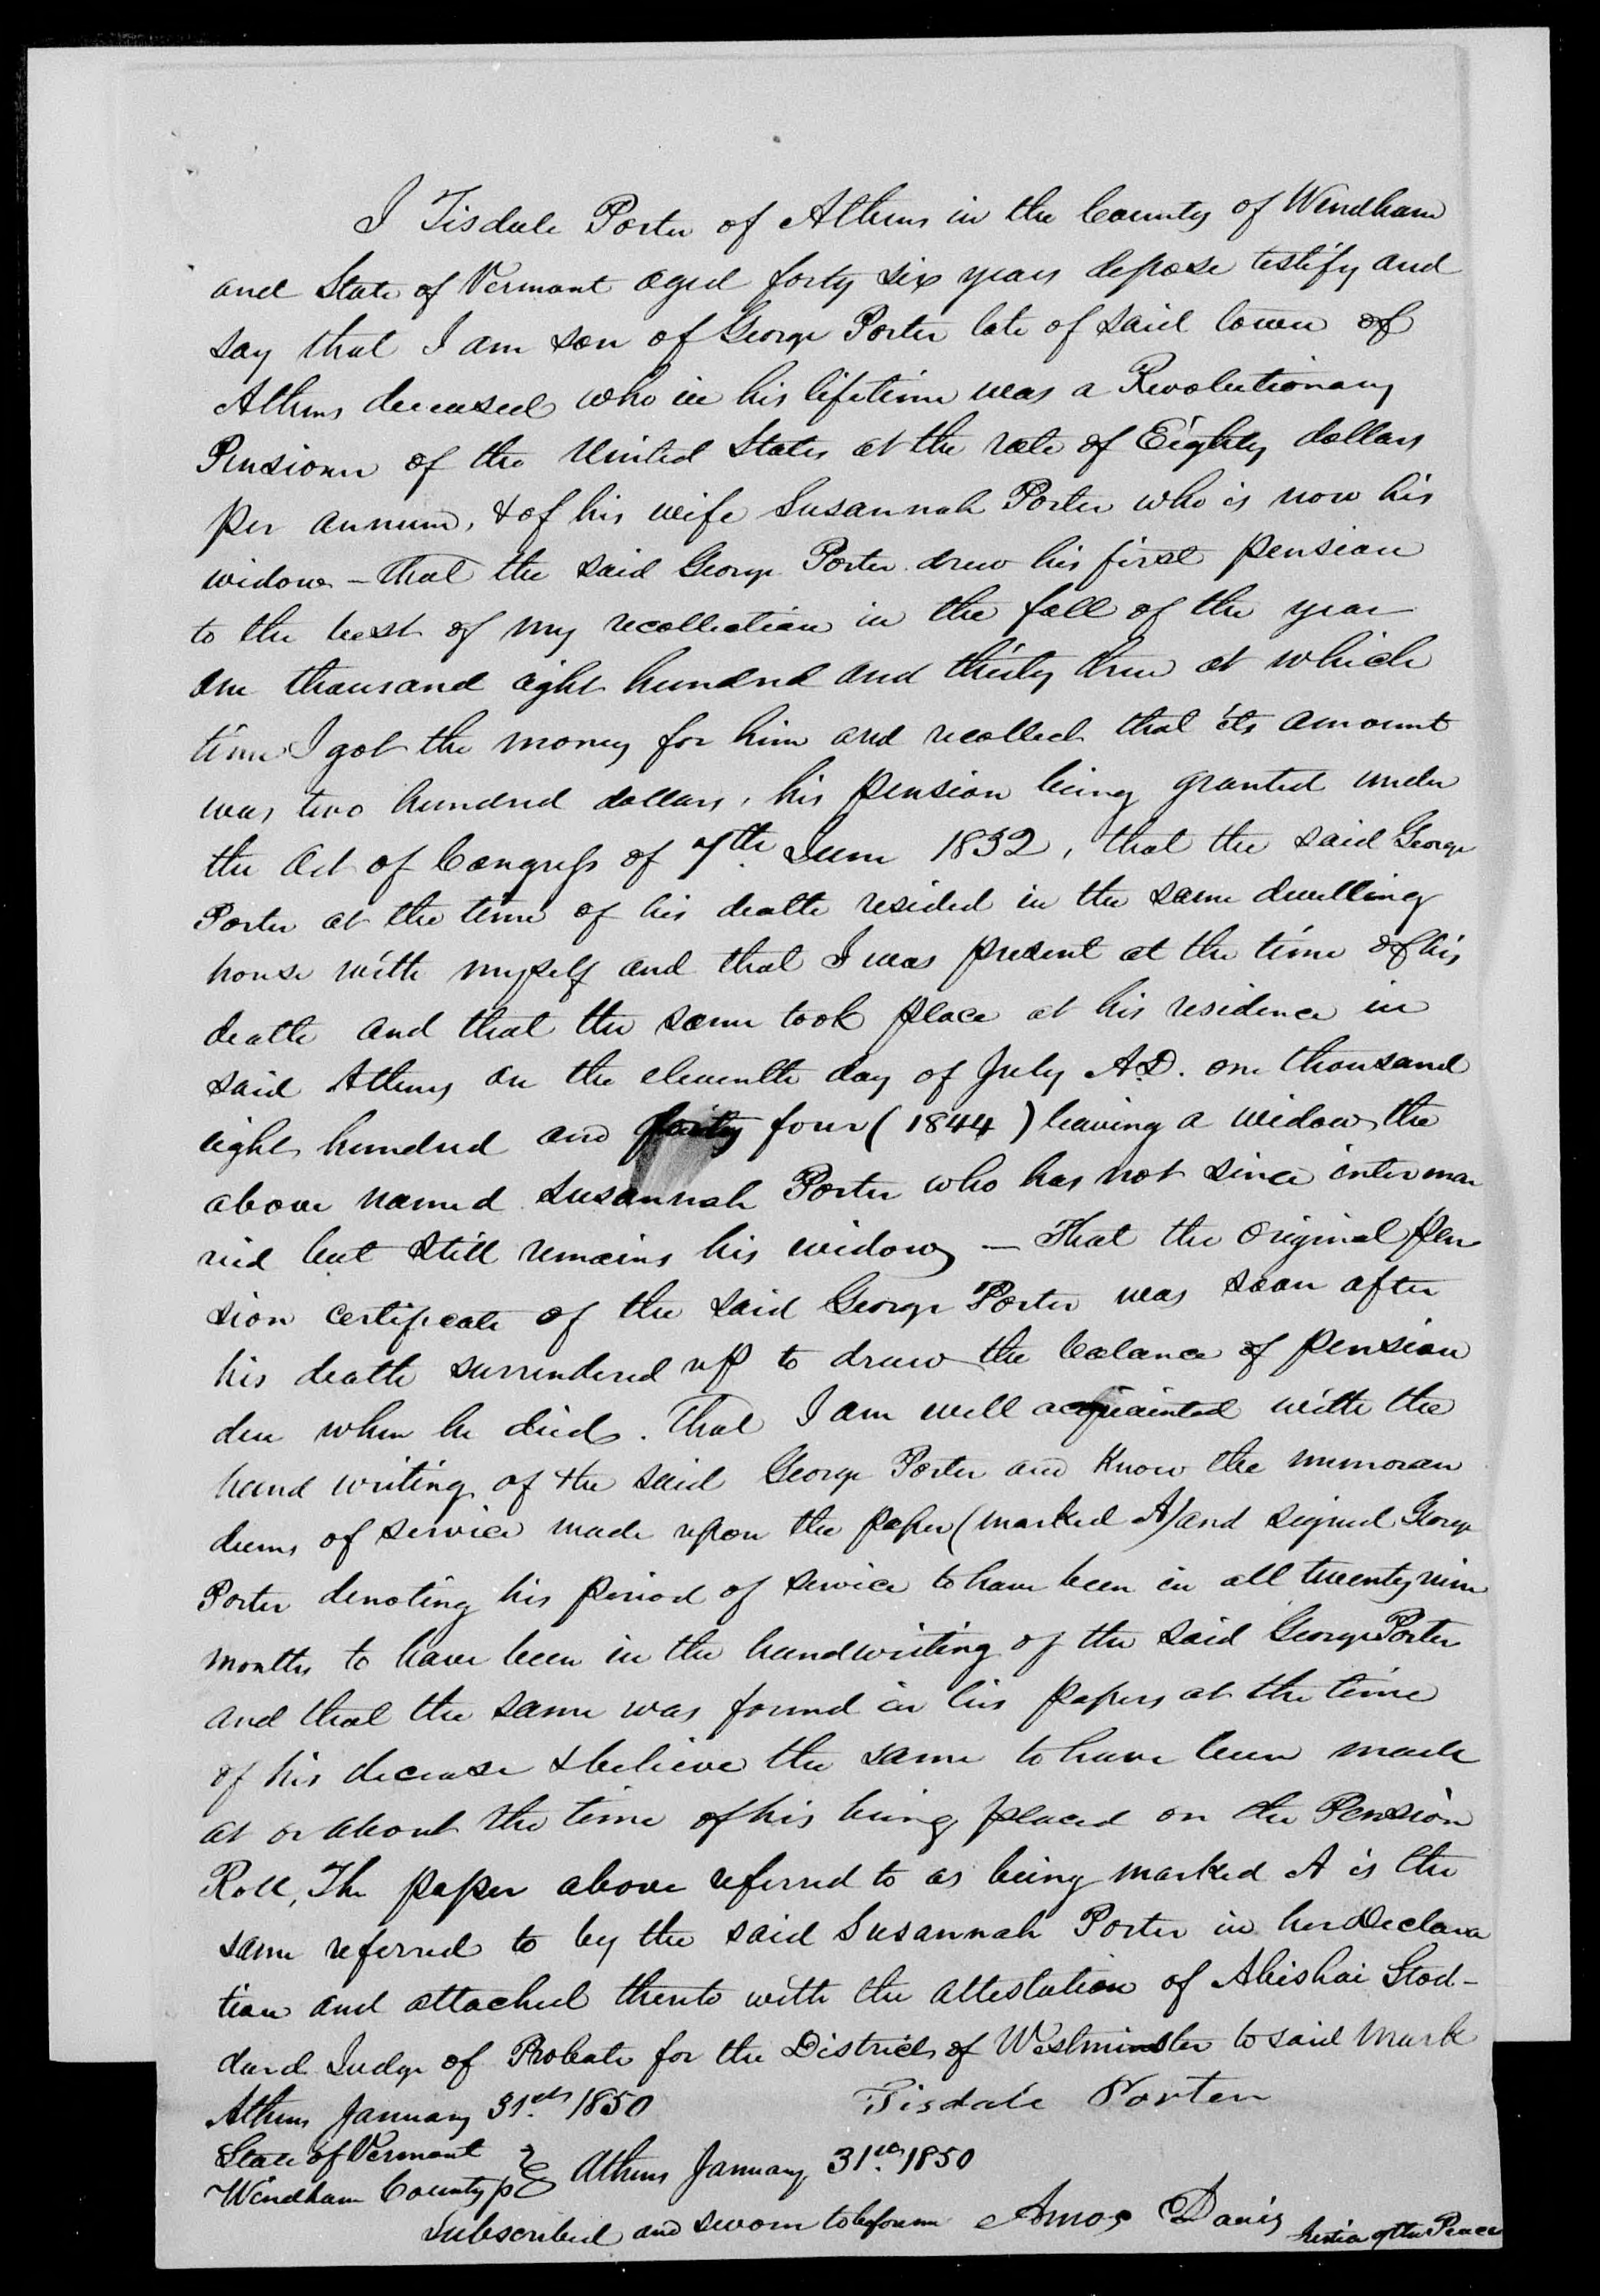I Tisdale Porter of Athens in the County of Windham and State of Vermont aged forty six years depose testify and say that I am son of George Porter late of said town of Athens deceased who in his lifetime was a Revolutionary Pensioner of the United States at the rate of Eighty dollars per annum, & of his wife Susannah Porter who is now his widow - that the said George Porter drew his first pension to the best of my recollection in the fall of the year one thousand eight hundred and thirty then at which time I got the money for him and recollect that its amount was two hundred dollars, his pension being granted under the act of Congress of 7th June 1832, that the said George Porter at the time of his death resided in the same dwelling house with myself and that I was present at the time of his death and that the same took place at his residence in said Athens on the eleventh day of July A.D. one thousand eight hundred and forty four (1844) leaving a widow the above named Susannah Porter who has not since intermarried but still remains his widow. That the original pension certificate of the said George Porter was soon after his death surrendered up to draw the balance of pension due when he died. That I am well acquainted with the hand writing of the said George Porter and know the memorandums of service made upon the paper (marked A) and signed George Porter denoting his period of service to have been in all twenty nine months to have been in the handwriting of the said George Porter and that the same was found in his papers at the time of his decease & believe the same to have been made at or about the time of his being placed on the Pension Roll, The paper above referred to as being marked A is the same referred to by the said Susannah Porter in her Declaration and attached thereto with the attestation of Abishai Stoddard Judge of Probate for the District of Westminster to said mark
Tisdale Porter

Athens January 31st. 1850
State of Vermont
Windham County ss
January 31st. 1850
Subscribed and sworn to before me Amos Davis Justice of the Peace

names: George Porter; Amos Davis; Abishai Stoddard; Tisdale Porter; Susannah Porter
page: 15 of 49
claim: widow's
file: W. 2164, for George Porter, Massachusetts